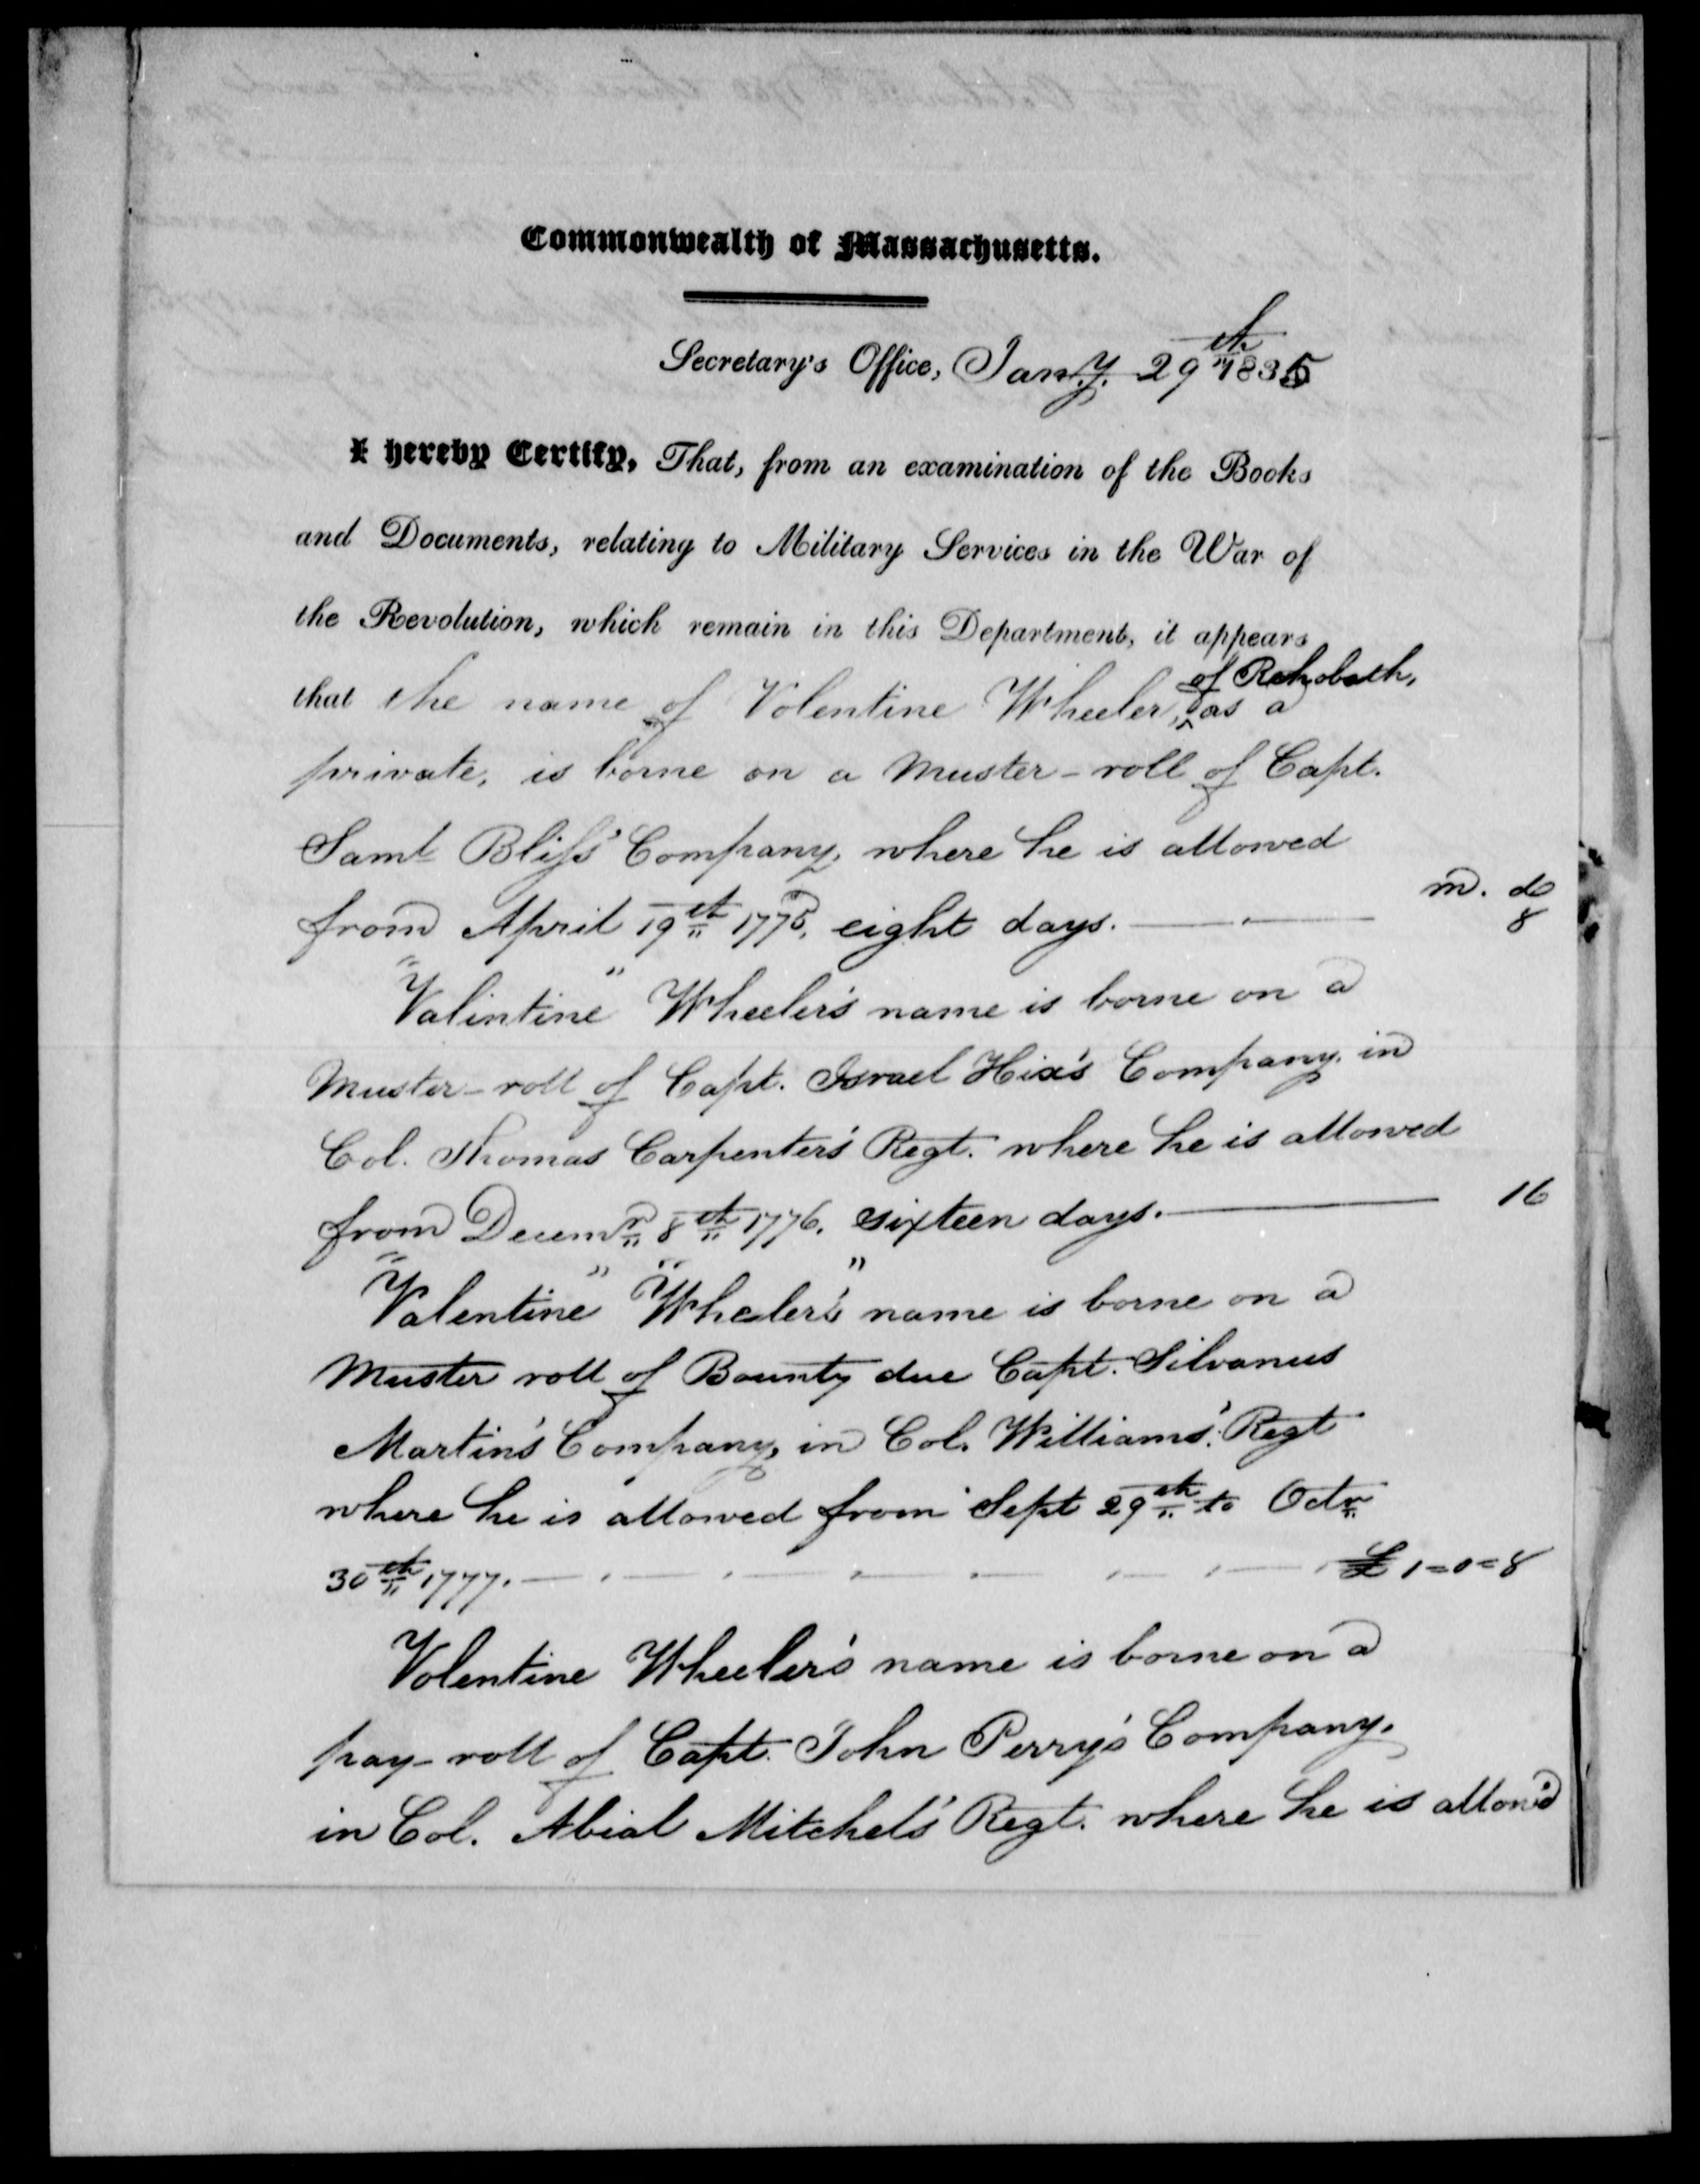Commonwealth of Massachusetts
Secretary's Office,Jany. 29th 1835

I hereby Certify, That from an examination of the Books and Documents, relating to Military Services in the War of the Revolution, which remain in this Department it appears that the ename of Volentine Wheeler of Rehoboth, as a private, is borne on a Muster roll of Capt. Saml. Bliss' Company where he is allowed from April 19th 1775 eight days.
"Valentine" Wheeler's name is borne on a Muster roll of Capt. Israel Hicks' Company in Col. Thomas Carpenter's Regt. where he is allowed from Decemr. 8th 1776 sixteen days.
"Valentine" "Wheler's" name is borne on a Muster roll of Bounty due Capt. Silvanus Martin's Company in Col. Williams' Regt where he is allowed from Sept. 29th to Oct. 30th 1777
Volentine Wheeler's name is borne on a pay roll of Capt. John Perry's Company in Col. Abial Mitchel's Regt. where he is allowed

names: Volentine Wheeler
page: 77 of 98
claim: widow's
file: W. 1682, Valentine Wheeler, Mass.